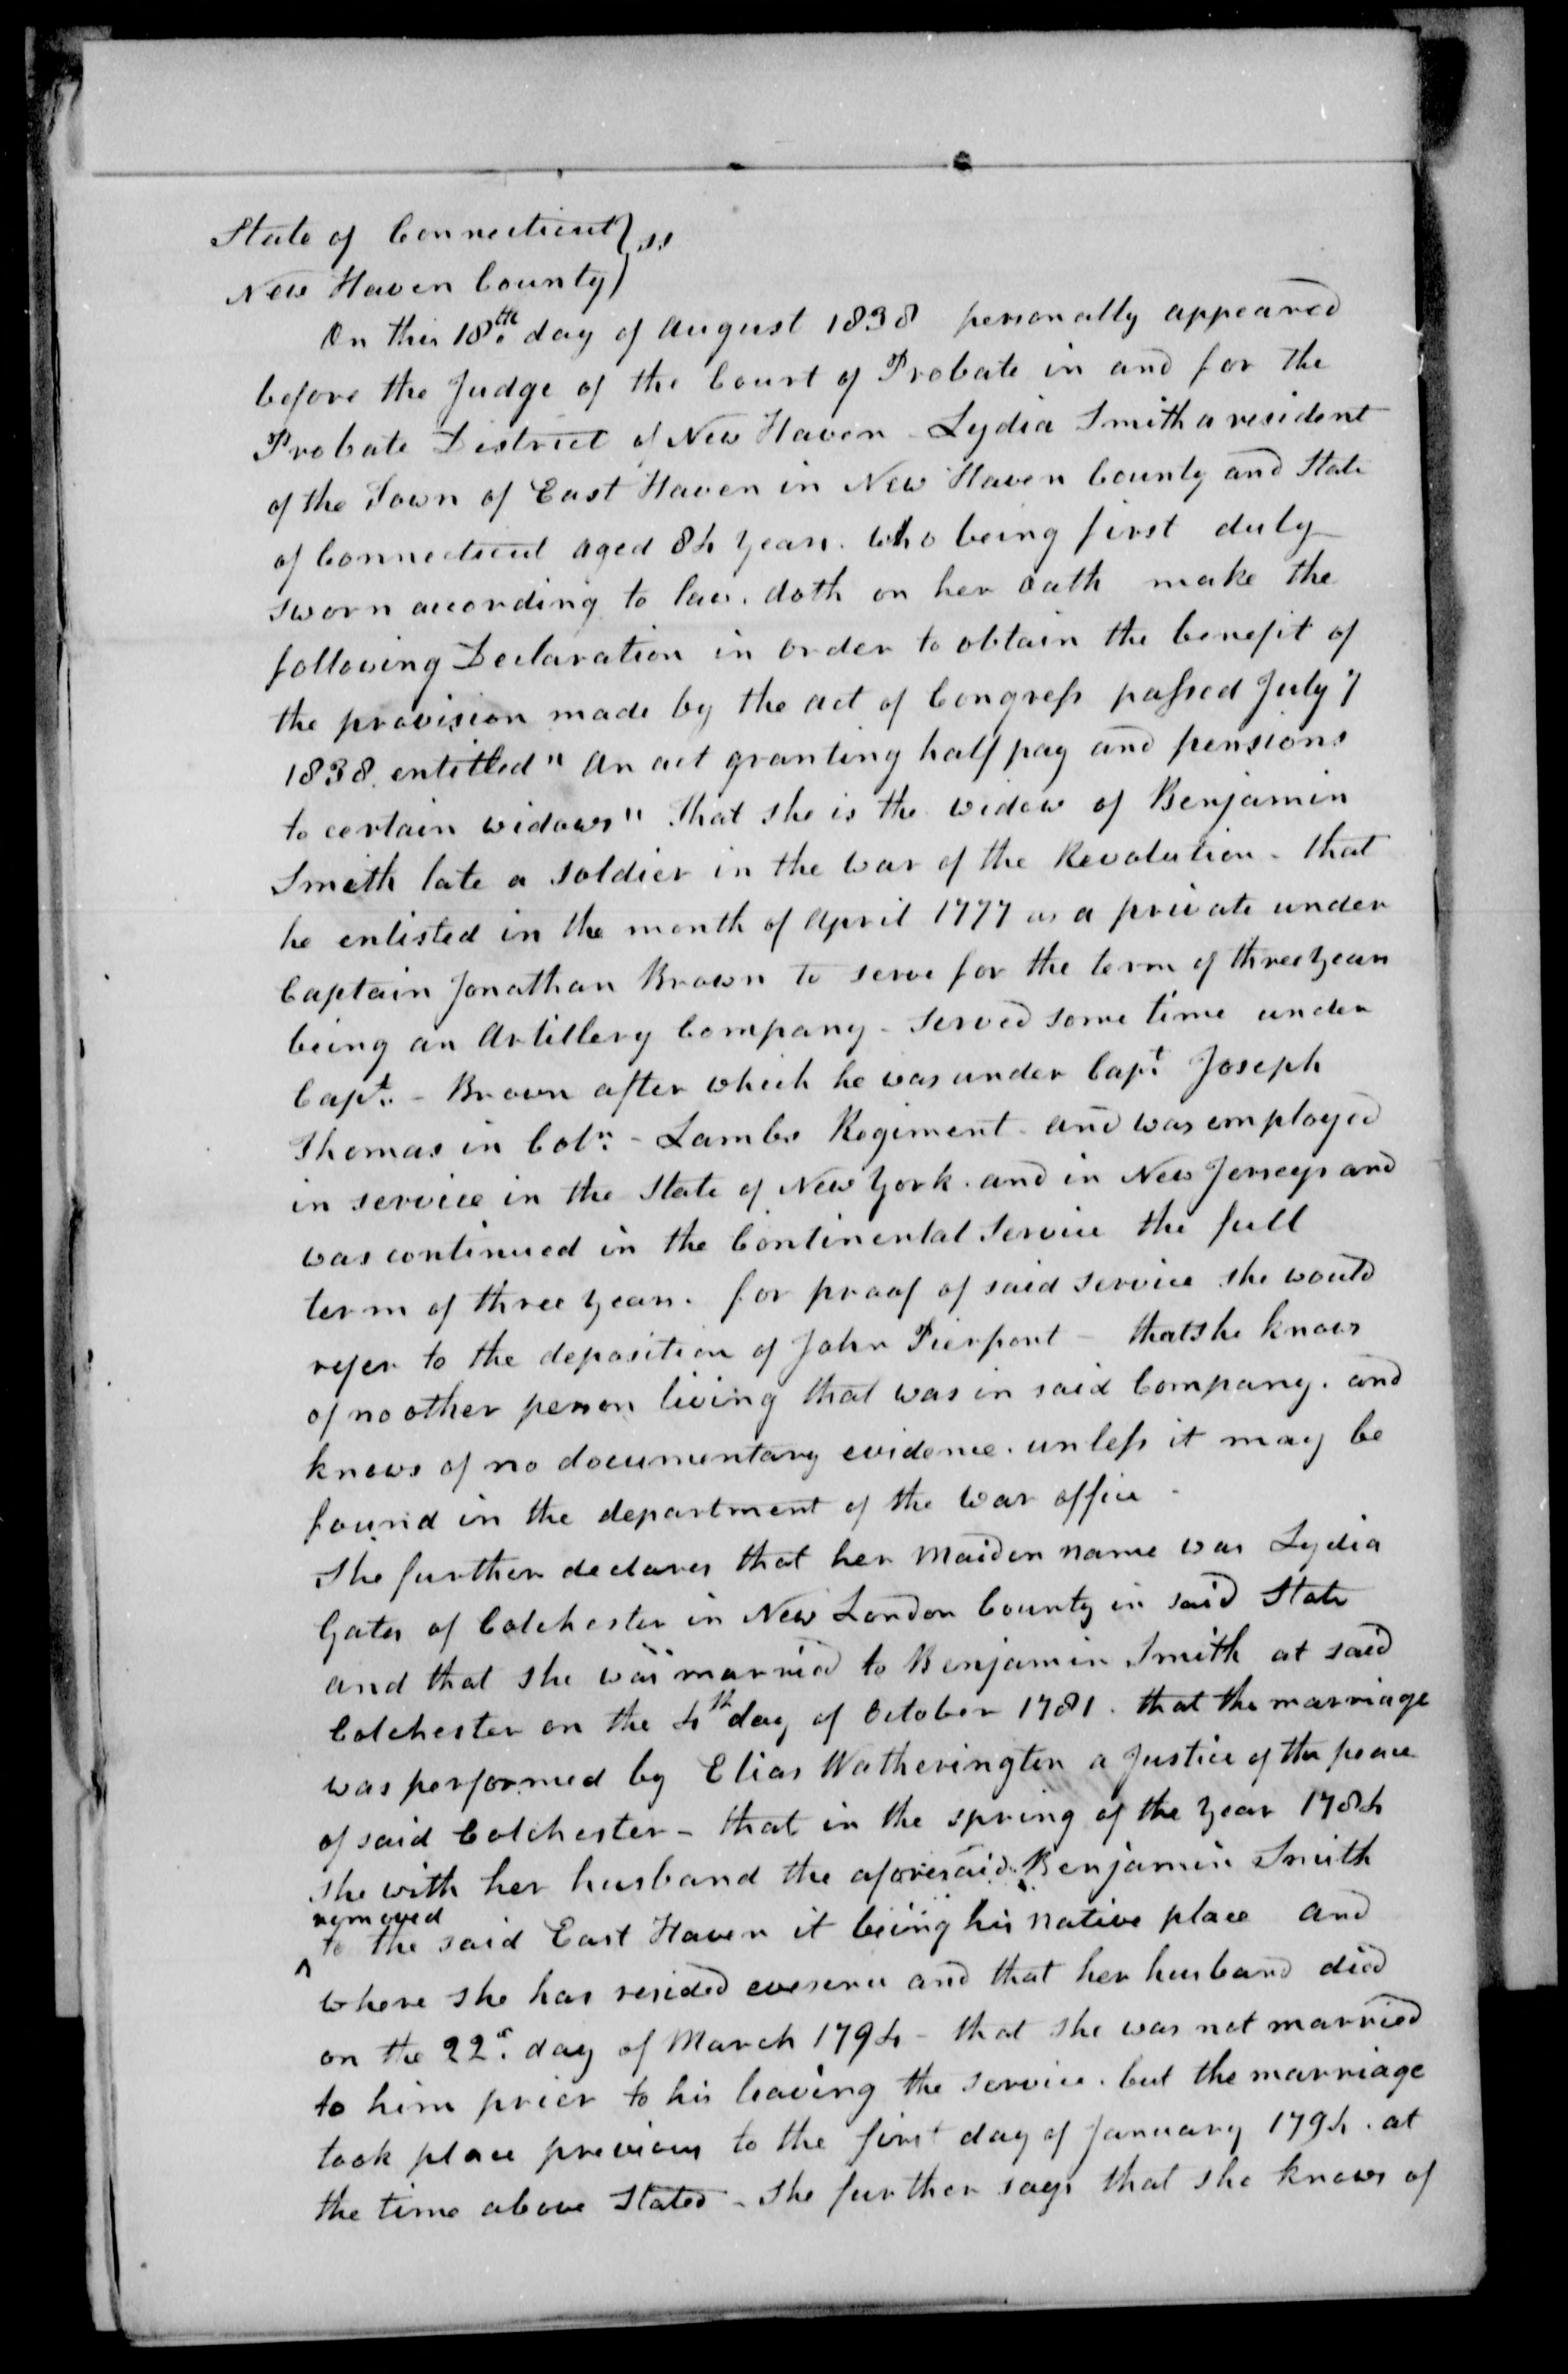State of Connecticut
New Haven County
On this 10th day of August 1838 personally appeared before the Judge of the county of probate in and for the probate district of New Haven. Lydia Smith is resident of the town of East Haven in New Haven County and that of Connecticut aged 81 years. Who being first duty sworn according to ??? doth on her oath make the following declaration in order to obtain the benefit of the provision made by the act of Congress ratified July 7 1838 entitled "an act granting half pay and pensions to certain widows" That she is the widow of Benjamin Smith late a soldier in the war of the Revolution. That he enlisted in the month of April 1777as a private  under Captain Jonathan Brown to serve for the term of three years being an artillery company served some time under Capt. Brown after which he was under Capt. Joseph Thomas in Colx-Lambe Regiment and was employed in service in the state of New York and in New Jersey and was continued in the Continental Service the full term of three years for proof of said service the would refer to the deposition of John Pierpont that the known of no other person living that was in said company and knows of no documentary evidence unless it may be found in the department of the war office.
The further declares that her maiden name was Lydia Gates of Colchester in New London County in said stateand she was married to Benjamin Smith at said Colchester on the ?? day of October 1781. that the marriage was performed by Elias Washington a Justice of the peace of said Colchester- that is the spring of the year 178??
she with her husband the above said Benjamin Smith moved to the said East Haven it being his native place and where she has resided ever since and that her husband died on the 22nd day of March 179?? that she was not married to him prior to his leaving the service but the marriage took place previous to the first day of January 179?? at the time above stated. she further says that she knows of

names: Joseph Thomas; John Pierpont; [BLANK] Brown; Lydia Gates; Jonathan Brown; Benjamin Smith; Elias Watherington; Benjamin Smith; Lydia Smith; Benjamin Smith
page: 8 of 19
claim: rejected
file: R 9792, for Benjamin Smith, Connecticut